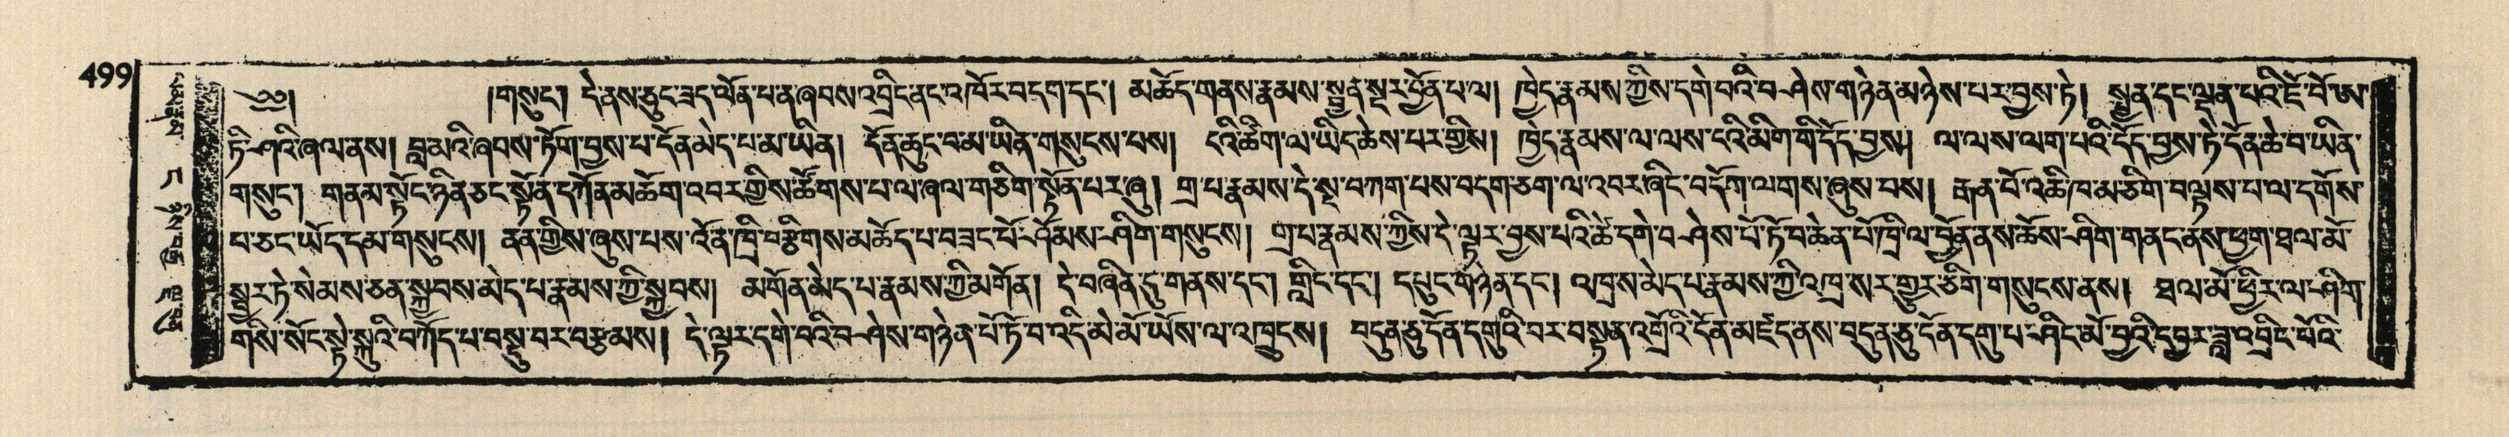༄༅། །གསུང་། དེ་ནས་ཅུང་ཟད་ལོན་པ་ན་ཞབས་འབྲིང་ནང་འཁོར་བདག་དང་། མཆོད་གནས་རྣམས་སྤྱན་སྔར་བྱོན་པ་ལ། ཁྱེད་རྣམས་ཀྱིས་དགེ་བའི་བཤེས་གཉེན་མཉེས་པར་བྱས་ཏེ། སྤྱན་དང་ལྡན་པའི་ཇོ་བོ་ཨ་
ཏི་ཤའི་ཞལ་ནས། བླ་མའི་ཞབས་ཏོག་བྱས་པ་དོན་མེད་པ་མ་ཡིན། དོན་ཆུང་བ་མ་ཡིན་གསུངས་པས། ངའི་ཚིག་ལ་ཡིད་ཆེས་པར་གྱིས། ཁྱེད་རྣམས་ལ་ལས་ངའི་མིག་གི་དོད་བྱས། ལ་ལས་ལག་པའི་དོད་བྱས་ཏེ་དོན་ཆེ་བ་ཡིན་
གསུང་། གནམ་སྟོང་ཉིན་ཅང་སྟོན་དཀོན་མཆོག་འབར་གྱིས་ཚོགས་པ་ལ་ཞལ་གཅིག་སྟོན་པར་ཞུ། གྲ་པ་རྣམས་དེ་སྔ་བཀག་པས་བདག་ཅག་ལ་འབར་ཞིང་བདོག་ལགས་ཞུས་པས། རྒན་པོ་འཆི་ཁ་མ་ཅིག་བལྟས་པ་ལ་དགོས་
པ་ཅང་ཡོད་དམ་གསུངས། ནན་གྱིས་ཞུས་པས་འོ་ན་ཁྲི་བརྩིགས་མཆོད་པ་བཟང་པོ་ཤོམས་ཤིག་གསུངས། གྲ་པ་རྣམས་ཀྱིས་དེ་ལྟར་བྱས་པའི་ཚེ་དགེ་བཤེས་པོ་ཏོ་བ་ཆེན་པོ་ཁྲི་ལ་བྱོན་ནས་ཆོས་ཤིག་གནང་ནས་ཕྱག་ཐལ་མོ་
སྦྱར་ཏེ་སེམས་ཅན་སྐྱབས་མེད་པ་རྣམས་ཀྱི་སྐྱབས། མགོན་མེད་པ་རྣམས་ཀྱི་མགོན། དེ་བཞིན་དུ་གནས་དང་། གླིང་དང་། དཔུང་གཉེན་དང་། འཁྲ་ས་མེད་པ་རྣམས་ཀྱི་འཁྲ་སར་གྱུར་ཅིག་གསུངས་ནས། ཐལ་མོ་ཕྱིར་ལ་ཤིག་
གིས་སོང་སྟེ་སྐུའི་བཀོད་པ་བསྡུ་བར་བརྩམས། དེ་ལྟར་དགེ་བའི་བཤེས་གཉེན་པོ་ཏོ་བ་འདི་མེ་མོ་ཡོས་ལ་འཁྲུངས། བདུན་ཅུ་དོན་དགུའི་བར་བསྟན་འགྲོའི་དོན་མཛད་ནས་བདུན་ཅུ་དོན་དགུ་པ་ཤིང་མོ་བྱའི་དབྱར་ཟླ་འབྲིང་པོའི་